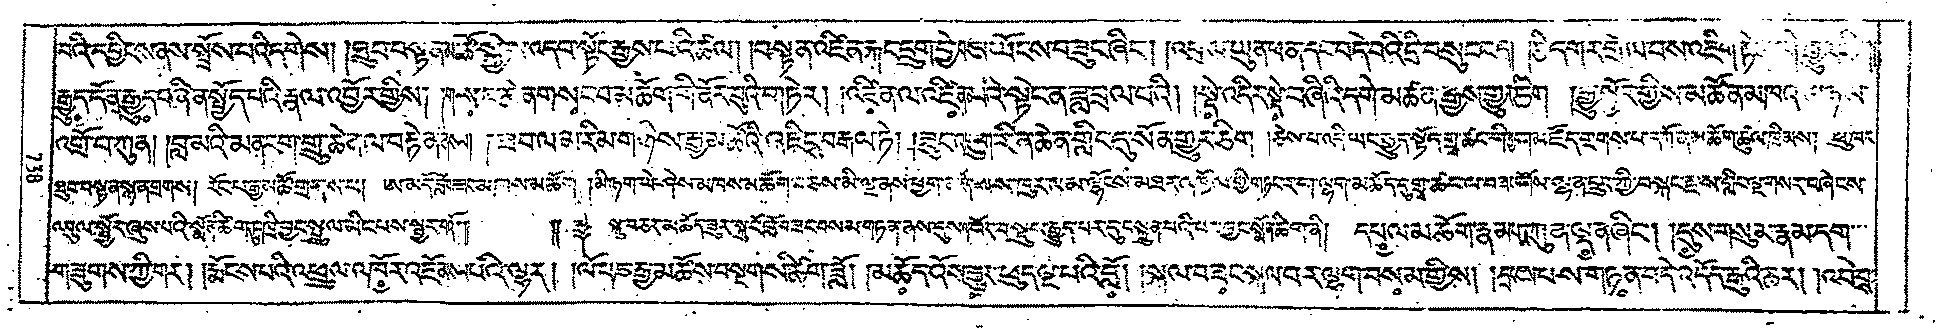པའི་དབྱིངས་ནས་སྤྲོས་པའི་དགེས། །ཐུབ་བསྟན་མཚོ་སྐྱེས་འདབ་སྟོང་རྒྱས་པའི་ཚལ། །བསྟན་འཛིན་རྐང་དྲུག་བྱེ་བས་ཡོངས་བཟུང་ཞིང་། །འཕྲལ་ཡུན་ཕན་དང་བདེ་བའི་དྲི་བསུང་ངད། །ཅི་དགར་གྲོལ་བས་འཇིག་རྟེན་དགེ་གྱུར་ཅིག །
རྒྱུད྾་དོན་རྒྱུད྾་བཞིན་སྤྱོད་པའི་རྣལ་འབྱོར་གྱིས། །གསང྾་ཆེན་གསང྾་བ་མཆོག་གི་ནོར་བུའི་གཏེར། །འཛིན྾་ལ་འཛིན྾་མའི་སྟེང་ན་ཟླ་བྲལ་བའི། །སྡེ྾་འདིར་སྡེ྾་བཞིའི་དགེ་མཚན་རྒྱས་གྱུར་ཅིག །རྒྱུ་སྦྱོར་གྱིས་མཚོན་མཁའ་མཉམ་
འགྲོ་བ་ཀུན། །བླ་མའི་མན་ངག་གྲུ་ཆེན་ལ་བརྟེན་ནས། །ཟབ་ལམ་རིམ་གཉིས་རྒྱ་མཚོའི་འཇིངས་བརྒལ་ཏེ། །ཟུང་འཇུག་རིན་ཆེན་གླིང་དུ་སོན་གྱུར་ཅིག །ཅེས་པ་འདི་ཡང་རྒྱུད་སྟོད་གྲྭ་ཚང་གི་ཕྱག་མཛོད་གྲགས་པ་དཀོན་མཆོག་ཚུལ་ཁྲིམས། ཕུ་ཁང་
ཐུབ་བསྟན་སྙན་གྲགས། རོང་པ་རྒྱ་མཚོ་གྲགས་པ། ཨ་མདོ་བློ་བཟང་མཁས་མཆོག །མི་ཉག་ཡེ་ཤེས་མཁས་མཆོག་བཅས་མི་ལྔ་ནས་ཕྱག་མཛོད་ལས་ཁུར་ལམ་ལྷོངས་མཐར་འཁྱོལ་གྱི་གཏང་རག་ལྷག་མཆོད་དུ་གྲྭ་ཚང་ལ་བཟང་གོས་ལྷན་དྲུབ་ཀྱི་བསྐང་རྫས་གླིང་ལྔ་གསར་བཞེངས་
འབུལ་སྦྱོར་ཞུས་པའི་སྨོན་ཚིག་ཏུ་ཁྲི་བྱང་སྤྲུལ་མིང་པས་སྦྱར་བའོ།། །།༈ སྐུ་བཅར་མཆོད་ཟུར་སྐུ་ངོ་བློ་བཟང་བསམ་གཏན་ནས་དུས་འཁོར་བསྡུས་རྒྱུད་པར་དུ་བསྐྲུན་པའི་པར་བྱང་སྨོན་ཚིག་ནི། དཔལ྾་མཆོག་རྣམ་པ་ཀུན་ལྡན྾་ཞིང་། །དུས྾་གསུམ་རྣམ་དག་
གཟུགས་ཀྱི་གར། །རྨོངས་པའི་འཕྲུལ་འཁོར྾་འཇོམས་པའི་ལྷར། །ལོ་པཎ་རྒྱ་མཚོས་བསྔགས་ཚིག་ཟློ། །མཆོད྾་འོས་ཟུར྾་ཕུད་ལྔ་པའི་བློ྾། །སྐལ་བཟང྾་སྐལ་བར་ལྷག་བསམ྾་གྱིས། །དྲངས་པས་གཏན྾་བདེ་འདོད་རྒུའི་ཆར། །འབེབས་